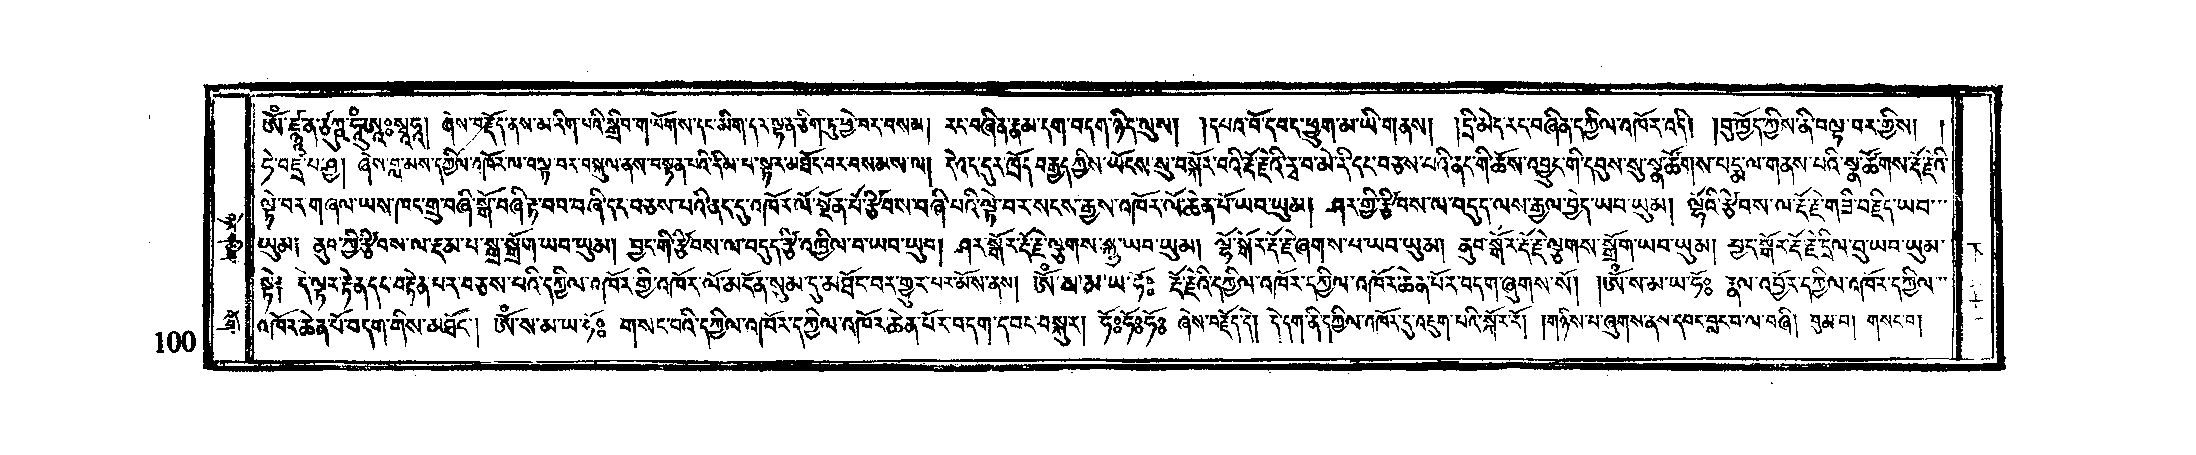ཨོཾ་ཛྙཱ་ན་ཙཀྵུ་ཧཱུཾ་ཨཱཿ སྭཱཧཱ། ཞེས་བརྗོད་ནས་མ་རིག་པའི་སྒྲིབ་གཡོགས་དང་མིག་དར་ལྷན་ཅིག་ཏུ་ཕྱེ་བར་བསམ། རང་བཞིན་རྣམ་དག་བདག་ཉིད་ལུས། །དཔའ་བོ་དབང་ཕྱུག་མ་ཡི་གནས། །དྲི་མེད་རང་བཞིན་དཀྱིལ་འཁོར་འདི། །བུ་ཁྱོད་ཀྱིས་ནི་བལྟ་བར་གྱིས། །
ཧེ་བཛྲ་པ་ཤྱ། ཞེས་བླ་མས་དཀྱིལ་འཁོར་ལ་བལྟ་བར་བསྐུལ་ནས་བསྟན་པའི་རིམ་པ་སྟར་མཐོང་བར་བསམས་ལ། དེའང་དུར་ཁྲོད་བརྒྱད་ཀྱིས་ཡོངས་སུ་བསྐོར་བའི་རྡོ་རྗེའི་རྭ་བ་མེ་རི་དང་བཅས་པའི་ནང་གི་ཆོས་འབྱུང་གི་དབུས་སུ་སྣ་ཚོགས་པདམ་ལ་གནས་པའི་སྣ་ཚོགས་རྡོ་རྗེའི་
ལྟེ་བར་གཞལ་ཡས་ཁང་གྲུ་བཞི་སྒོ་བཞི་རྟ་བབ་བཞི་དང་བཅས་པའི་ནང་དུ་འཁོར་ལོ་སྔོན་པོ་རྩིབས་བཞི་པའི་ལྟེ་བར་སངས་རྒྱས་འཁོར་ལོ་ཆེན་པོ་ཡབ་ཡུམ། ཤར་གྱི་རྩིབས་ལ་བདུད་ལས་རྒྱལ་བྱེད་ཡབ་ཡུམ། ལྷོའི་རྩིབས་ལ་རྡོ་རྗེ་གཟི་བརྗིད་ཡབ་
ཡུམ། ནུབ་ཀྱི་རྩིབས་ལ་རྔམ་པ་སྒྲ་སྒྲོག་ཡབ་ཡུམ། བྱང་གི་རྩིབས་ལ་བདུད་རྩི་འཁྱིལ་བ་ཡབ་ཡུམ། ཤར་སྒོར་རྡོ་རྗེ་ལྕགས་སྐྱུ་ཡབ་ཡུམ། ལྷོ་སྒོར་རྡོ་རྗེ་ཞགས་པ་ཡབ་ཡུམ། ནུབ་སྒོར་རྡོ་རྗེ་ལྕགས་སྒྲོག་ཡབ་ཡུམ། བྱང་སྒོར་རྡོ་རྗེ་དྲིལ་བུ་ཡབ་ཡུམ་
སྟེ། དེ་ལྟར་རྟེན་དང་བརྟེན་པར་བཅས་པའི་དཀྱིལ་འཁོར་གྱི་འཁོར་ལོ་མངོན་སུམ་དུ་མཐོང་བར་གྱུར་པར་མོས་ནས། ཨོཾ་མ་མ་ཡ་ཧོཿ རྡོ་རྗེའི་དཀྱིལ་འཁོར་དཀྱིལ་འཁོར་ཆེན་པོར་བདག་ཞུགས་སོ། །ཨོཾ་ས་མ་ཡ་ཧོཿ རྣལ་འབྱོར་དཀྱིལ་འཁོར་དཀྱིལ་
འཁོར་ཆེན་པོ་བདག་གིས་མཐོང་། ཨོཾ་ས་མ་ཡ་ཧོཿ གསང་བའི་དཀྱིལ་འཁོར་དཀྱིལ་འཁོར་ཆེན་པོར་བདག་དབང་བསྐུར། ཧོཿ ཧོཿ ཧོཿ ཞེས་བརྗོད་དེ། དེ་དག་ནི་དཀྱིལ་འཁོར་དུ་འཇུག་པའི་སྐོར་རོ། །གཉིས་པ་ཞུགས་ནས་དབང་བླང་བ་ལ་བཞི། བུམ་པ། གསང་བ།